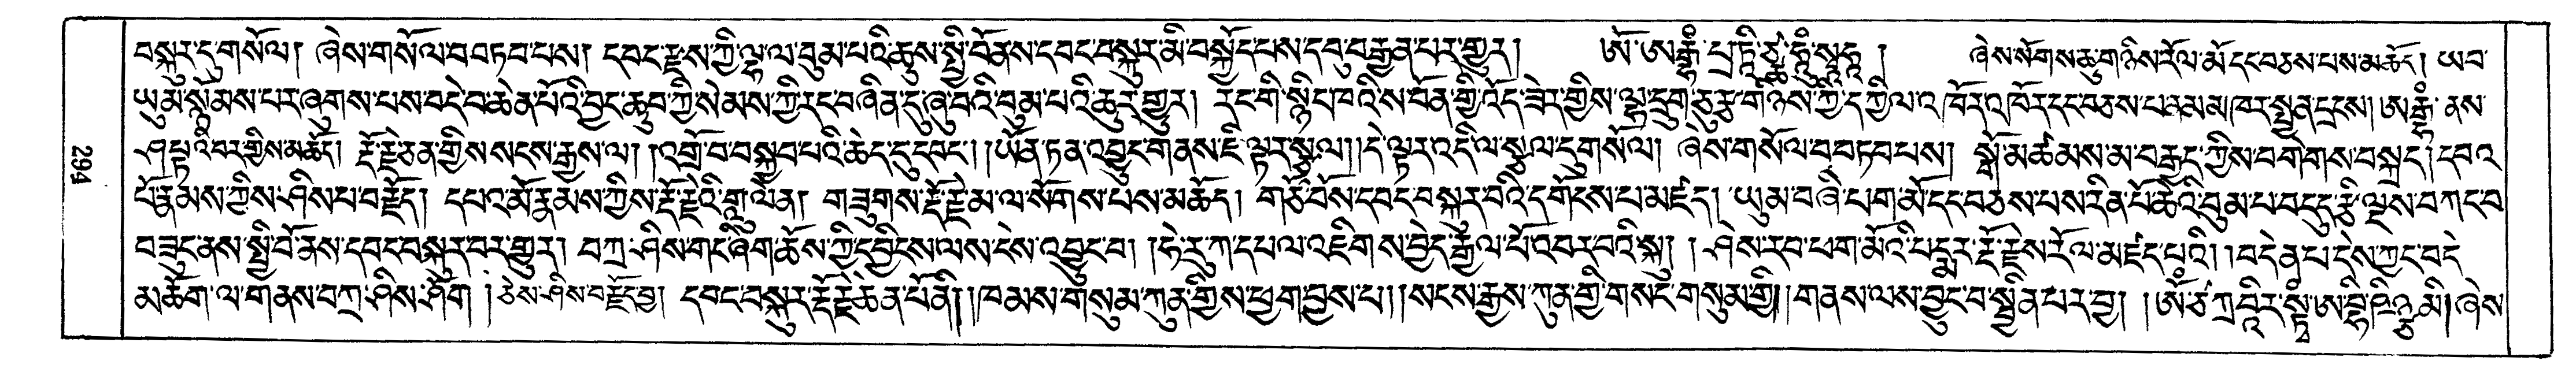བསྐུར་དུ་གསོལ། ཞེས་གསོལ་བ་བཏབ་པས། དབང་རྫས་ཀྱི་ལྷ་ལ་བུམ་པའི་ཆུས་སྤྱི་བོ་ནས་དབང་བསྐུར་མི་བསྐྱོད་པས་དབུ་བརྒྱན་པར་གྱུར། ཨོཾ་ཨ་རྒཧཾ་པྲ་ཏཱ་ཙཚ་ཧཱུཾ་སྭཱ་ཧཱ། ཞེས་སོགས་ཆུ་གཉིས་རོལ་མོ་དང་བཅས་པས་མཆོད། ཡབ་
ཡུམ་སྙོམས་པར་ཞུགས་པས་བདེ་བ་ཆེན་པོའི་བྱང་ཆུབ་ཀྱི་སེམས་ཀྱི་རང་བཞིན་དུ་ཞུ་བའི་བུམ་བའི་ཆུར་གྱུར། རང་གི་སྙིང་ཁའི་ས་བོན་གྱི་འོད་ཟེར་གྱིས་ལྷ་དྲུག་ཅུ་རྩ་གཉིས་ཀྱི་དཀྱིལ་འཁོར་འཁོར་དང་བཅས་པ་ནམ་མཁར་སྤྱན་དྲངས། ཨརྒྷཾ་ནས་
ཤཔྟའི་བར་གྱིས་མཆོད། རྡོ་རྗེ་ཅན་གྱིས་སངས་རྒྱས་ལ། །འགྲོ་བ་བསྐྱབ་པའི་ཆེད་དུ་དབང་། །ཡོན་ཏན་འབྱུང་གནས་ཇི་ལྟར་སྩལ། །དེ་ལྟར་འདི་ལ་སྩལ་དུ་གསོལ། ཞེས་གསོལ་བ་བཏབ་པས། སྒོ་མཚམས་མ་བརྒྱད་ཀྱིས་བགེགས་བསྐྲད། དཔའ་
བོ་རྣམས་ཀྱིས་ཤིས་པ་བརྗོད། དཔའ་མོ་རྣམས་ཀྱིས་རྡོ་རྗེའི་གླུ་ལེན། གཟུགས་རྡོ་རྗེ་མ་ལ་སོགས་པས་མཆོད། གཙོ་བོས་དབང་བསྐུར་བའི་དགོངས་པ་མཛད། ཡུམ་བཞི་ཕག་མོ་དང་བཅས་པས་རིན་པོ་ཆེའི་བུམ་པ་བདུད་རྩི་ལྔས་བཀང་བ་
བཟུང་ནས་སྤྱི་བོ་ནས་དབང་བསྐུར་བར་གྱུར། བཀྲ་ཤིས་གང་ཞིག་ཆོས་ཀྱི་དབྱིངས་ལས་ངེས་འབྱུང་བ། །ཧེ་རུ་ཀ་དཔལ་འཇིགས་བྱེད་རྒྱལ་པོ་འབར་བའི་སྐུ། །ཤེས་རབ་ཕག་མོའི་པདམར་རྡོ་རྗེས་རོལ་མཛད་བའི། །བདེན་པ་དེས་ཀྱང་བདེ་
མཆོག་ལ་གནས་བཀྲ་ཤིས་ཤོག །ཅེས་ཤིས་བརྗོད་བྱ། དབང་བསྐུར་རྡོ་རྗེ་ཆེན་པོ་ནི། །ཁམས་གསུམ་ཀུན་གྱིས་ཕྱག་བྱས་པ། །སངས་རྒྱས་ཀུན་གྱི་གསུམ་གྱི། །གནས་ལས་བྱུང་པ་སྦྱིན་པར་བྱ། །ཨོཾ་ཙཀྲ་བཱི་ར་སྟྭཾ་ཨབྷི་ཥི་ཉཙ་མི། ཞེས་